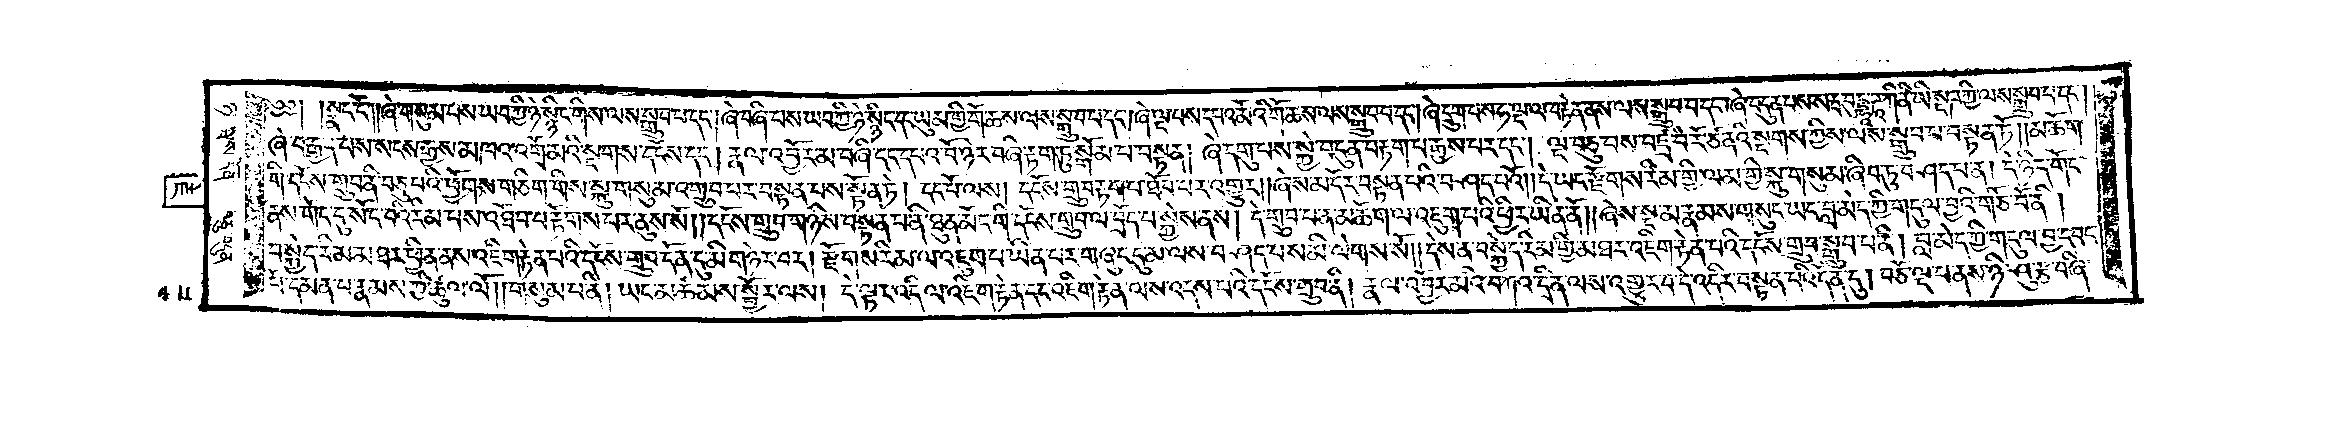༄༅། །སྣང་ངོ། །ཞེ་གསུམ་པས་ཡབ་ཀྱི་ཉེ་སྙིང་གིས་ལས་སྒྲུབ་པ་དང་། ཞེ་བཞི་པས་ཡབ་ཀྱི་ཉེ་སྙིང་དང་ཡུམ་གྱི་གོ་ཆས་ལས་སྒྲུབ་པ་དང་། ཞེ་ལྔ་པས་དཔའ་མོའི་གོ་ཆས་ལས་སྒྲུབ་པ་དང་། ཞེ་དྲུག་པས་ཧ་ལྔ་ལ་བརྟེན་ནས་ལས་སྒྲུབ་པ་དང་། ཞེ་བདུན་པས་སརྦ་བུདྡྷཱ་ཌཱ་ཀི་ནི་ཡི་སྔགས་ཀྱི་ལས་སྒྲུབ་པ་དང་།
ཞེ་བརྒྱད་པས་སངས་རྒྱས་མཁའ་འགྲོ་མའི་སྔགས་དངོས་དང་། རྣལ་འབྱོར་མ་བཞི་དང་དཔའ་བོ་ཉེར་བཞི་རྟག་ཏུ་སྒོམ་པ་བསྟན། ཞེ་དགུ་པས་སྐྱེ་བདུན་བརྟག་པ་རྒྱས་པར་དང་། ལྔ་བཅུ་བས་བཛྲ་བཻ་རོ་ཙ་ནའི་སྔགས་ཀྱིས་ལས་སྒྲུབ་པ་བསྟན་ཏོ། །མཆོག་
གི་དངོས་གྲུབ་ནི་བཅུ་པའི་ཕྱོགས་གཅིག་གིས་སྐུ་གསུམ་འགྲུབ་པར་བསྟན་པས་སྟོན་ཏེ། དང་པོ་ལས། དངོས་གྲུབ་རྟག་པ་ཐོབ་པར་འགྱུར། །ཞེས་མདོར་བསྟན་པའི་བཤད་པའོ། །དེ་ཡང་རྫོགས་རིམ་གྱི་ལམ་གྱི་སྐུ་གསུམ་ཞིབ་ཏུ་བཤད་པ་ན། དེ་ཉིད་གོང་
ནས་གོང་དུ་སོང་བའི་རིམ་པས་འཐོབ་པ་རྟོགས་པར་ནུས་སོ། །དངོས་གྲུབ་གཉིས་བསྟན་པ་ནི་ཐུན་མོང་གི་དངོས་གྲུབ་ལ་བྲོད་པ་སྐྱེས་ནས། དེ་གྲུབ་པ་ན་མཆོག་ལ་འཇུག་པའི་ཕྱིར་ཡིན་ནོ། །ཞེས་སྔ་མ་རྣམས་གསུང་ཡང་བླ་མེད་ཀྱི་གདུལ་བྱའི་གཙོ་བོ་ནི།
བསྐྱེད་རིམ་མཐར་ཕྱིན་ནས་འཇིག་རྟེན་པའི་དངོས་གྲུབ་དོན་དུ་མི་གཉེར་བར། རྫོགས་རིམ་ལ་འཇུག་པ་ཡིན་པར་གཞུང་དུ་མ་ལས་བཤད་པས་མི་ལེགས་སོ། །དེས་ན་བསྐྱེད་རིམ་གྱི་མཐར་འཇིག་རྟེན་པའི་དངོས་གྲུབ་སྒྲུབ་པ་ནི། བླ་མེད་ཀྱི་གདུལ་བྱ་དབང་
པོ་དམན་པ་རྣམས་ཀྱི་ཚུལ་ལོ། །གསུམ་པ་ནི། ཡང་མཚམས་སྦྱོར་ལས། དེ་ལྟར་འདི་ལ་འཇིག་རྟེན་དང་འཇིག་རྟེན་ལས་འདས་པའི་དངོས་གྲུབ་ནི། རྣལ་འབྱོར་མའི་བཀའ་དྲིན་ལས་འགྱུར་བ་དེ་འདིར་བསྟན་པའི་དོན་དུ། བཅོ་ལྔ་པ་ནས་ཉི་ཤུ་རྩ་བཞི་